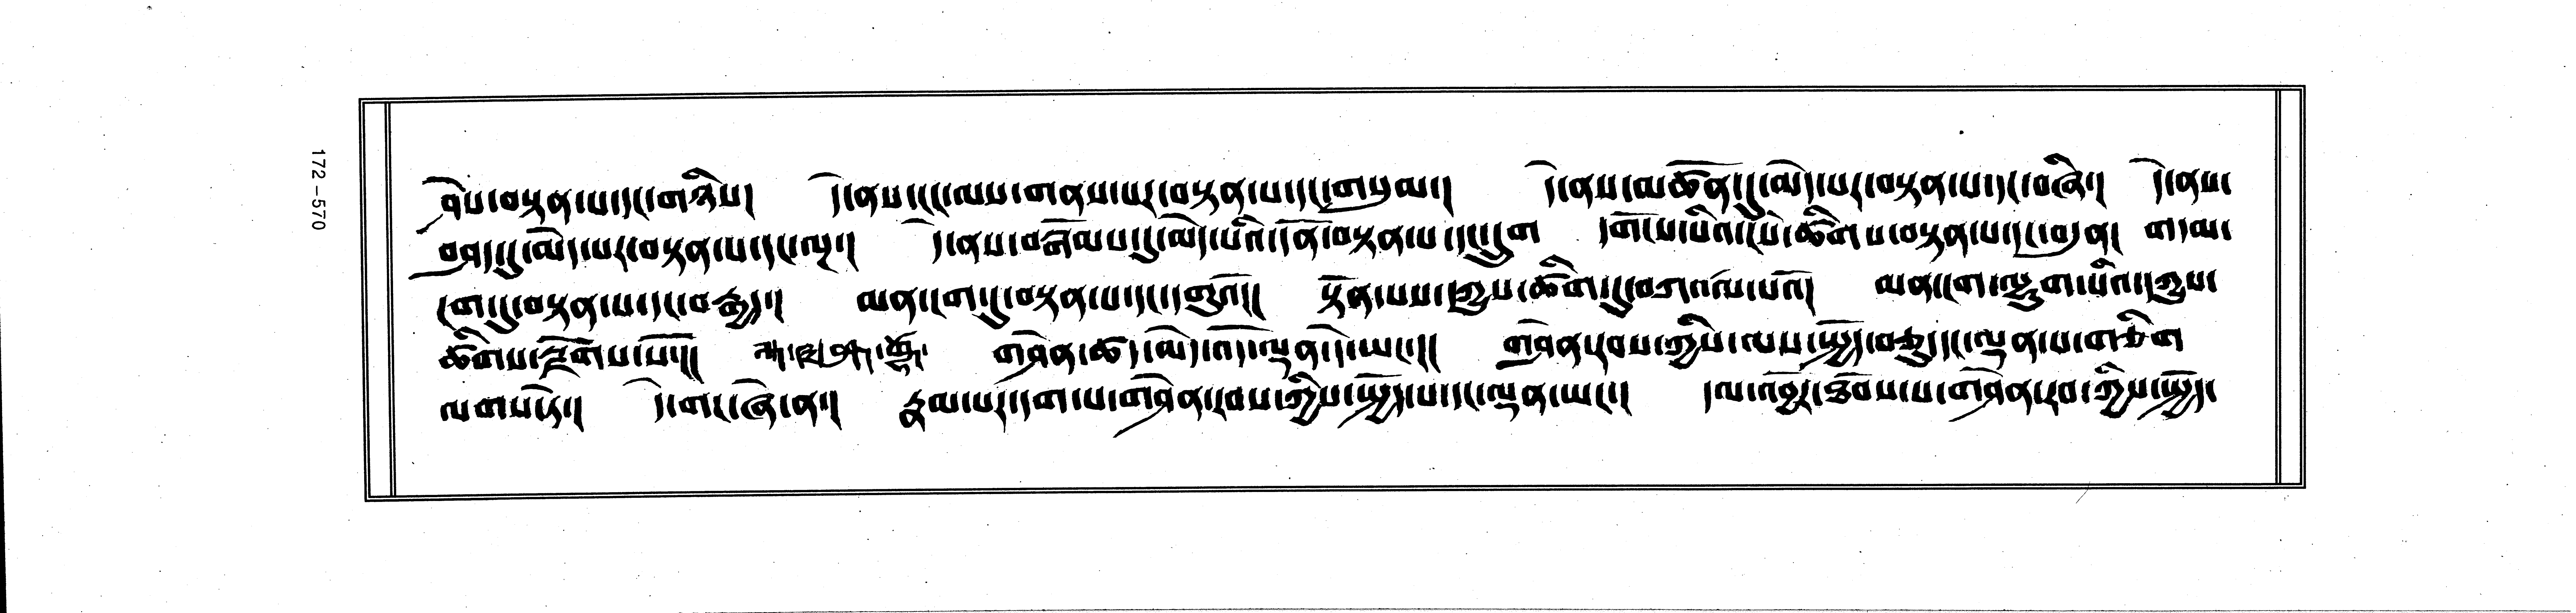ཤེས་བསྟན་པ་དང་གཉིས། དེ་ནས་ངང་ལས་གནས་པར་བསྟན་པ་དང་གསུམ། དེ་ནས་མཚོན་དུ་མེད་པར་བསྟན་པ་དང་བཞི། དེ་ནས་
བཤད་དུ་མེད་པར་བསྟན་པ་དང་ལྔ། དེ་ནས་བསྒོམས་དུ་མེད་པའི་དོན་བསྟན་པ་དང་དྲུག དགོངས་པའི་ངེས་ཚིགས་བསྟན་པ་དང་བདུན། གདམ་
ངག་དུ་བསྟན་པ་དང་བརྒྱད། མན་ངག་དུ་བསྟན་པ་དང་དགུའོ། སྟོན་པས་དཀྱུས་ཚིག་དུ་བཀའ་སྩལ་པའོ། མན་ངག་ལྷུག་པའི་དཀྱུས་
ཚིག་རྫོགས་སོ། ༼འདིར་གཏེར་ཡིག་ཡོད།༽ གཤེན་ཚད་མེད་འོད་ལྡན་དེ་ཡང་། གཤེན་རབ་ཀྱིས་ལས་སྤྱོད་བཅུ་དང་ལྡན་པ་གཅིག་
ལགས་ཏེ། དེ་གང་ཞེ་ན། རྣམ་པར་དག་པ་གཤེན་རབ་ཀྱིས་སྤྱོད་པ་དང་ལྡན་ཡང་། དམ་འབྱོར་ཐོབས་པ་གཤེན་རབ་ཀྱིས་སྤྱོད་